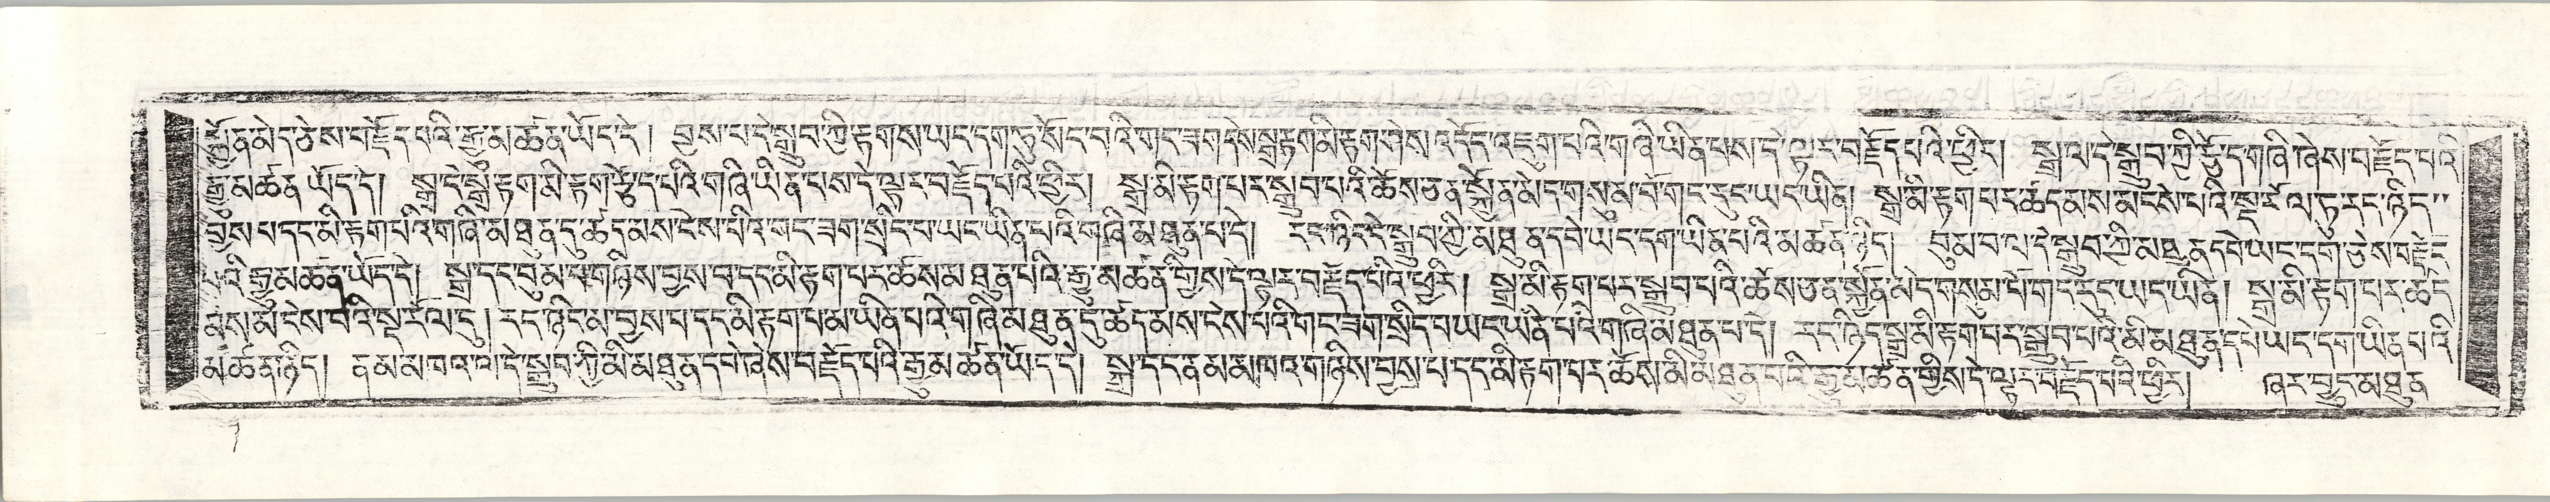སྐྱོན་མེད་ཅེས་བརྗོད་པའི་རྒྱུ་མཚན་ཡོད་དེ། བྱས་པ་དེ་སྒྲུབ་ཀྱི་རྟགས་ཡང་དག་ཏུ་སོང་བའི་གང་ཟག་དེས་སྒྲ་རྟག་མི་རྟག་ཤེས་འདོད་འཇུག་པའི་གཞི་ཡིན་པས་དེ་ལྟར་བརྗོད་པའི་ཕྱིར། སྒྲ་ལ་དེ་སྒྲུབ་ཀྱི་རྩོད་གཞི་ཞེས་བརྗོད་པའི་
རྒྱུ་མཚན་ཡོད་དེ། སྒྲ་དེ་སྒྲ་རྟག་མི་རྟག་རྩོད་པའི་གཞི་ཡིན་པས་དེ་ལྟར་བརྗོད་པའི་ཕྱིར། སྒྲ་མི་རྟག་པར་སྒྲུབ་པའི་ཆོས་ཅན་སྐྱོན་མེད་གསུམ་པོ་གང་རུང་ཡང་ཡིན། སྒྲ་མི་རྟག་པར་ཚད་མས་མ་ངེས་པའི་སྔ་རོལ་ཏུ་རང་ཉིད་
བྱས་པ་དང་མི་རྟག་པའི་གཞི་མཐུན་དུ་ཚད་མས་ངེས་པའི་གང་ཟག་སྲིད་པ་ཡང་ཡིན་པའི་གཞི་མཐུན་པ་དེ། རང་ཉིད་དེ་སྒྲུབ་ཀྱི་མཐུན་དཔེ་ཡང་དག་ཡིན་པའི་མཚན་ཉིད། བུམ་པ་ལ་དེ་སྒྲུབ་ཀྱི་མཐུན་དཔེ་ཡང་དག་ཅེས་བརྗོད་
པའི་རྒྱུ་མཚན་ཡོད་དེ། སྒྲ་དང་བུམ་པ་གཉིས་བྱས་པ་དང་མི་རྟག་པར་ཆོས་མཐུན་པའི་རྒྱུ་མཚན་གྱིས་དེ་ལྟར་བརྗོད་པའི་ཕྱིར། སྒྲ་མི་རྟག་པར་སྒྲུབ་པའི་ཆོས་ཅན་སྐྱོན་མེད་གསུམ་པོ་གང་རུང་ཡང་ཡིན། སྒྲ་མི་རྟག་པར་ཚད་
མས་མ་ངེས་པའི་སྔ་རོལ་དུ། རང་ཉིད་མ་བྱས་པ་དང་མི་རྟག་པ་མ་ཡིན་པའི་གཞི་མཐུན་དུ་ཚད་མས་ངེས་པའི་གང་ཟག་སྲིད་པ་ཡང་ཡིན་པའི་གཞི་མཐུན་པ་དེ། རང་ཉིད་སྒྲ་མི་རྟག་པར་སྒྲུབ་པའི་མི་མཐུན་དཔེ་ཡང་དག་ཡིན་པའི་
མཚན་ཉིད། ནམ་མཁའ་ལ་དེ་སྒྲུབ་ཀྱི་མི་མཐུན་དཔེ་ཞེས་བརྗོད་པའི་རྒྱུ་མཚན་ཡོད་དེ། སྒྲ་དང་ནམ་མཁའ་གཉིས་བྱས་པ་དང་མི་རྟག་པར་ཆོས་མི་མཐུན་པའི་རྒྱུ་མཚན་གྱིས་དེ་ལྟར་བརྗོད་པའི་ཕྱིར། ཞར་བྱུང་མཐུན་